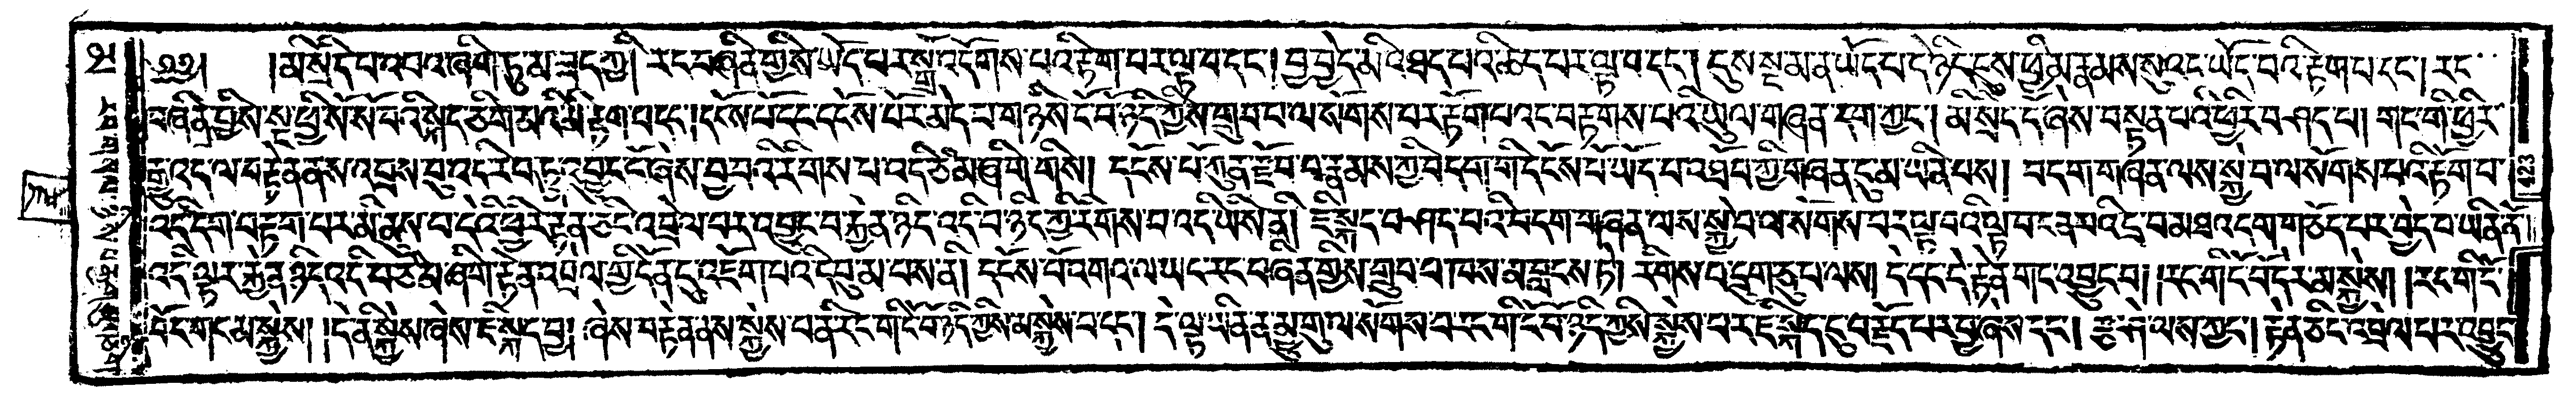༄༅། །མི་སྲིད་པ་འབའ་ཞིག་ཏུ་མ་ཟད་ཀྱི། རང་བཞིན་གྱིས་ཡོད་པར་སྒྲོ་འདོགས་པའི་རྟག་པར་ལྟ་བ་དང་། བྱ་བྱེད་མི་འཐད་པའི་ཆད་པར་ལྟ་བ་དང་། དུས་སྔ་མ་ན་ཡོད་པ་དེ་ཉིད་དུས་ཕྱི་མ་རྣམས་སུ་འང་ཡོད་པའི་རྟོག་པ་དང་། རང་
བཞིན་གྱིས་སྔ་ཕྱི་སོ་སོ་བའི་སྐད་ཅིག་མའི་མི་རྟག་པ་དང་། དངོས་པོ་དང་དངོས་པོར་མེད་པ་གཉིས་ངོ་བོ་ཉིད་ཀྱིས་གྲུབ་པ་ལ་སོགས་པར་རྟོག་པའང་བརྟགས་པའི་ཡུལ་གཞན་དག་ཀྱང་། མི་སྲིད་དོ་ཞེས་བསྟན་པའི་ཕྱིར་བཤད་པ། གང་གི་ཕྱིར་
རྒྱུ་འདི་ལ་བརྟེན་ནས་འབྲས་བུ་འདི་རབ་ཏུ་འབྱུང་ངོ་ཞེས་བྱ་བའི་རིགས་པ་འདི་ཙམ་ཞིག་གིས། དངོས་པོ་ཀུན་རྫོབ་པ་རྣམས་ཀྱི་བདག་གི་དངོས་པོ་ཡོད་པ་འཐོབ་ཀྱི་གཞན་དུ་མ་ཡིན་པས། བདག་གཞན་ལས་སྐྱེ་བ་ལ་སོགས་པའི་རྟོག་པ་
འདི་དག་བརྟག་པར་མི་ནུས་པ་དེའི་ཕྱིར་རྟེན་ཅིང་འབྲེལ་པར་འབྱུང་བ་རྐྱེན་ཉིད་འདི་པ་ཉིད་ཀྱི་རིགས་པ་འདི་ཡིས་ནི། ཇི་སྐད་བཤད་པའི་བདག་གཞན་ལས་སྐྱེ་བ་ལ་སོགས་པར་ལྟ་བའི་ལྟ་བ་ངན་པའི་དྲ་བ་མཐའ་དག་གཅོད་པར་བྱེད་པ་ཡིན་ནོ།།
འདི་ལྟར་རྐྱེན་ཉིད་འདི་པ་ཙམ་ཞིག་རྟེན་འབྲེལ་གྱི་དོན་དུ་འཇོག་པའི་དབུ་མ་པས་ནི། དངོས་པོ་འགའ་ལ་ཡང་རང་བཞིན་གྱིས་གྲུབ་པ་ཁས་མ་བླངས་ཏེ། རིགས་པ་དྲུག་ཅུ་པ་ལས། དེ་དང་དེ་རྟེན་གང་འབྱུང་བ། །རང་གི་ངོ་བོ་དེར་མ་སྐྱེས། །རང་གི་ངོ་
བོར་གང་མ་སྐྱེས། །དེ་ནི་སྐྱེས་ཞེས་ཇི་སྐད་བྱ། ཞེས་བརྟེན་ནས་སྐྱེས་པ་ནི་རང་གི་ངོ་བོ་ཉིད་ཀྱིས་མ་སྐྱེས་པ་དང་། དེ་ལྟ་ཡིན་ན་མྱུ་གུ་ལ་སོགས་པ་རང་གི་ངོ་བོ་ཉིད་ཀྱིས་སྐྱེས་པར་ཇི་སྐད་དུ་བརྗོད་པར་བྱ་ཞེས་དང་། རྩ་ཤེ་ལས་ཀྱང་། རྟེན་ཅིང་འབྲེལ་བར་འབྱུང་